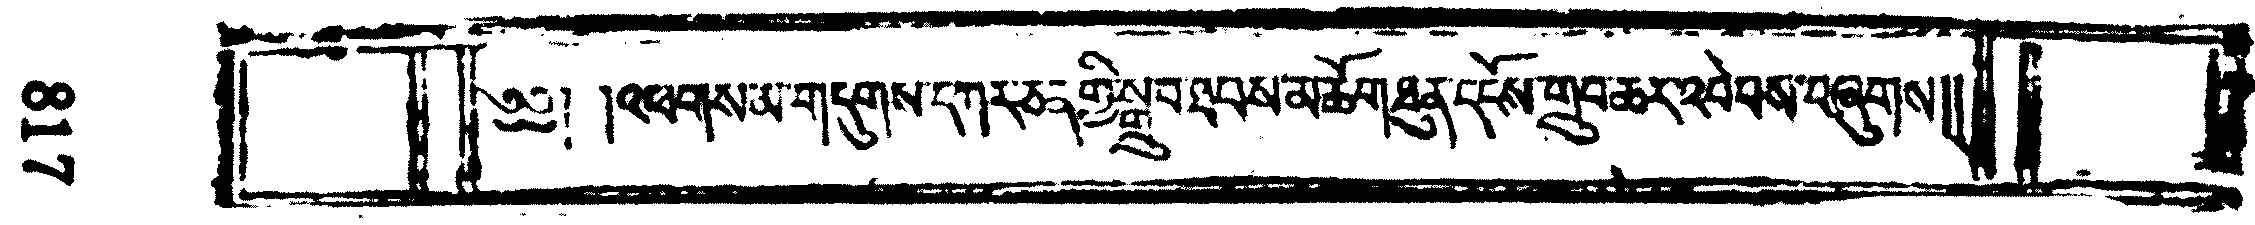༄༅། །འཕགས་མ་གདུགས་དཀར་ཅན་གྱི་སྒྲུབ་ཐབས་མཆོག་ཐུན་དངོས་གྲུབ་ཆར་འབེབས་བཞུགས། །